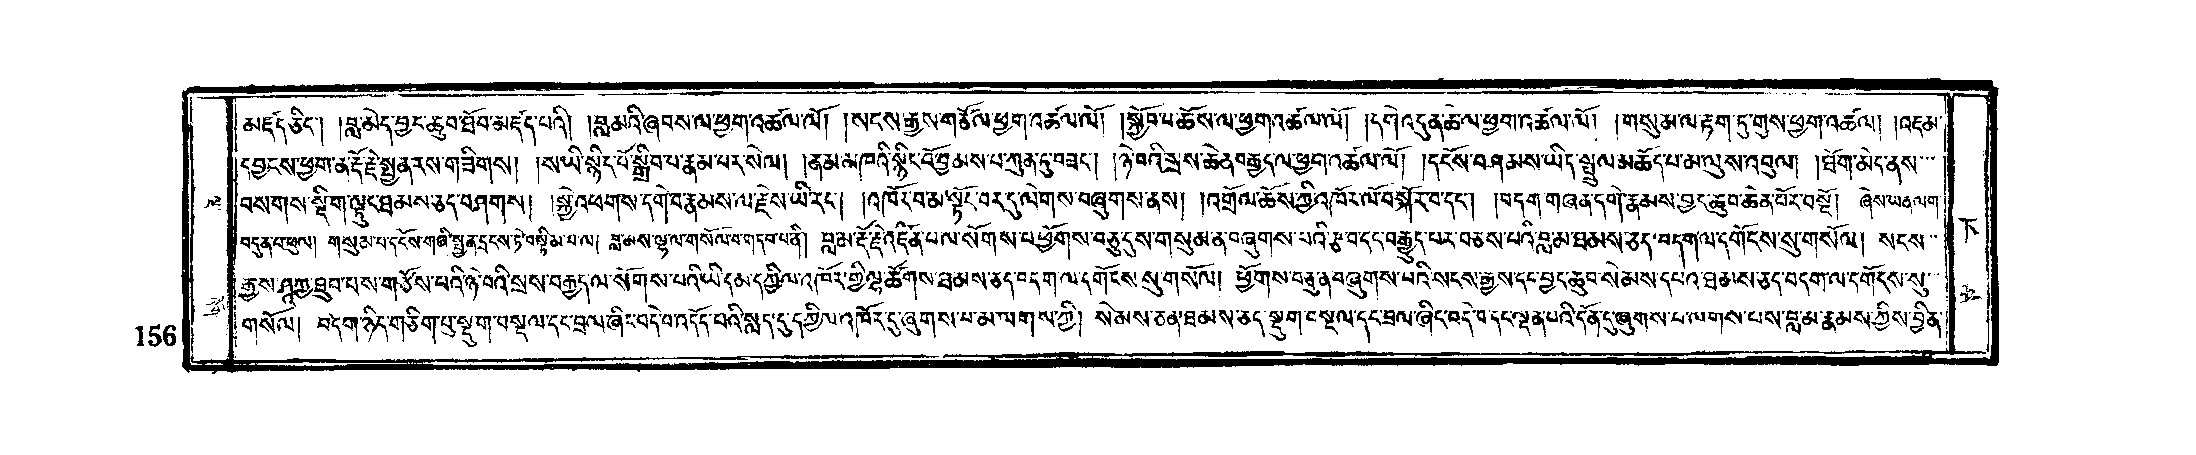མཛད་ཅིང་། །བླ་མེད་བྱང་ཆུབ་ཐོབ་མཛད་པའི། །བླ་མའི་ཞབས་ལ་ཕྱག་འཚལ་ལོ། །སངས་རྒྱས་གཙོ་ལ་ཕྱག་འཚལ་ལོ། །སྐྱོབ་པ་ཆོས་ལ་ཕྱག་འཚལ་ལོ། །དགེ་འདུན་ཆེ་ལ་ཕྱག་འཚལ་ལོ། །གསུམ་ལ་རྟག་ཏུ་གུས་ཕྱག་འཚལ། །འཇམ་
དབྱངས་ཕྱག་ན་རྡོ་རྗེ་སྤྱན་རས་གཟིགས། །ས་ཡི་སྙིང་པོ་སྒྲིབ་པ་རྣམ་པར་སེལ། །ནམ་མཁའི་སྙིང་པོ་བྱམས་པ་ཀུན་ཏུ་བཟང་། །ཉེ་བའི་སྲས་ཆེན་བརྒྱད་ལ་ཕྱག་འཚལ་ལོ། །དངོས་བཤམས་ཡིད་སྤྲུལ་མཆོད་པ་མ་ལུས་འབུལ། །ཐོག་མེད་ནས་
བསགས་སྡིག་ལྟུང་ཐམས་ཅད་བཤགས། །སྐྱེ་འཕགས་དགེ་བ་རྣམས་ལ་རྗེས་ཡི་རང་། །འཁོར་བ་མ་སྟོང་བར་དུ་ལེགས་བཞུགས་ནས། །འགྲོ་ལ་ཆོས་ཀྱི་འཁོར་ལོ་བསྐོར་བ་དང་། །བདག་གཞན་དགེ་རྣམས་བྱང་ཆུབ་ཆེན་པོར་བསྔོ། ཞེས་ཡན་ལག་
བདུན་པ་ཕུལ། གསུམ་པ་དངོས་གཞི་སྤྱན་དྲངས་ཏེ་བསྟིམ་པ་ལ། བླ་མས་ལྷ་ལ་གསོལ་བ་གདབ་པ་ནི། བླ་མ་རྡོ་རྗེ་འཛིན་པ་ལ་སོགས་པ་ཕྱོགས་བཅུ་དུས་གསུམ་ན་བཞུགས་པའི་རྩ་བ་དང་བརྒྱུད་པར་བཅས་པའི་བླ་མ་ཐམས་ཅད་བདག་ལ་དགོངས་སུ་གསོལ། སངས་
རྒྱས་ཤཱཀྱ་ཐུབ་པས་གཙོས་པའི་ཉེ་བའི་སྲས་བརྒྱད་ལ་སོགས་པའི་ཡི་དམ་དཀྱིལ་འཁོར་གྱི་ལྷ་ཚོགས་ཐམས་ཅད་བདག་ལ་དགོངས་སུ་གསོལ། ཕྱོགས་བཅུ་ན་བཞུགས་པའི་སངས་རྒྱས་དང་བྱང་ཆུབ་སེམས་དཔའ་ཐམས་ཅད་བདག་ལ་དགོངས་སུ་
གསོལ། བདག་ཉིད་གཅིག་པུ་སྡུག་བསྔལ་དང་བྲལ་ཞིང་བདེ་བ་འདོད་པའི་སླད་དུ་དཀྱིལ་འཁོར་དུ་ཞུགས་པ་མ་ལགས་ཀྱི། སེམས་ཅན་ཐམས་ཅད་སྡུག་བསྔལ་དང་བྲལ་ཞིང་བདེ་བ་དང་ལྡན་པའི་དོན་དུ་ཞུགས་པ་ལགས་པས་བླ་མ་རྣམས་ཀྱིས་བྱིན་